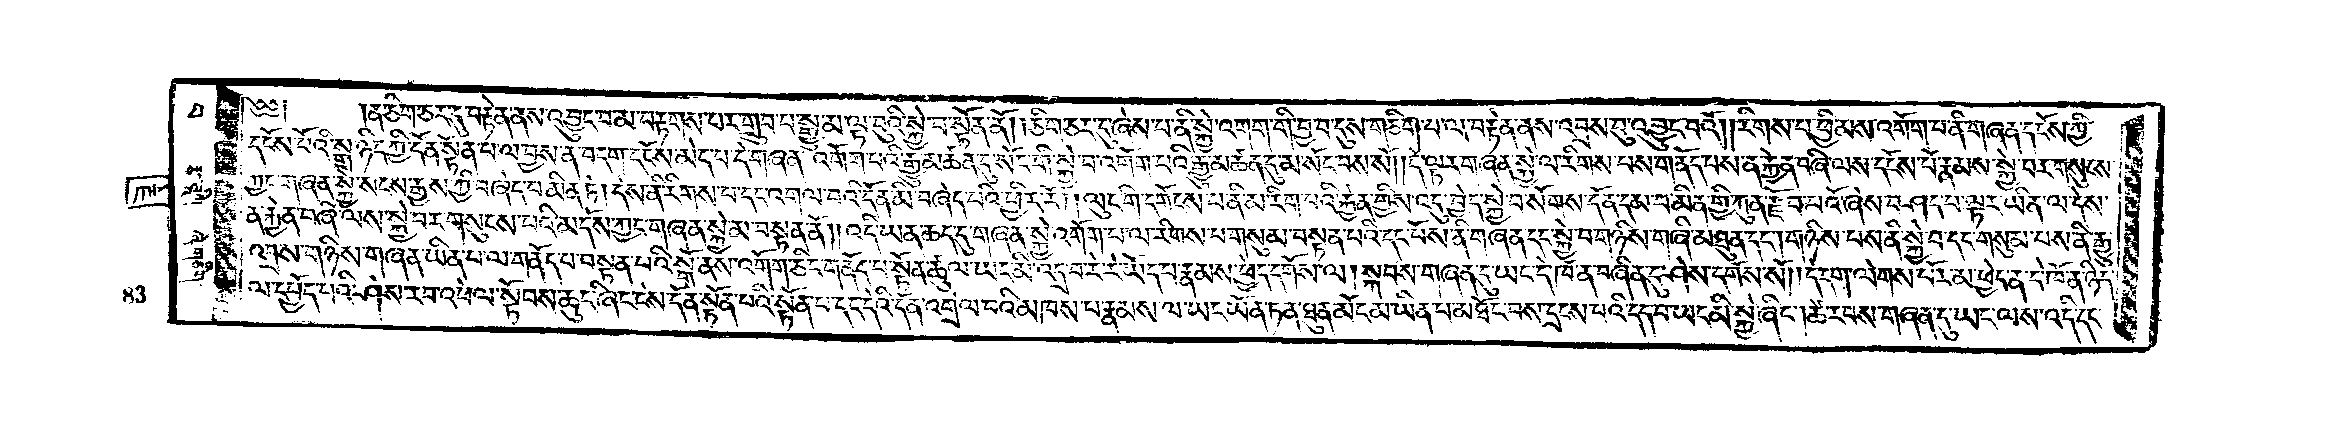༄༅། །ན་ཅིག་ཅར་དུ་བརྟེན་ནས་འབྱུང་བ་མ་བརྟགས་པར་གྲུབ་པ་སྒྱུ་མ་ལྟ་བུའི་སྐྱེ་བ་སྟོན་ནོ། །ཅིག་ཅར་དུ་ཞེས་པ་ནི་སྐྱེ་འགག་གི་བྱ་བ་དུས་གཅིག་པ་ལ་བརྟེན་ནས་འབྲས་བུ་འབྱུང་བའོ། །རིགས་པ་ཕྱི་མས་འགོག་པ་ནི་གཞན་དངོས་གྱི་
དངོས་པོའི་སྒྲ་ཉིད་ཀྱི་དོན་སྟོན་པ་ལ་བྱས་ན་བདག་དངོས་མད་པ་དེ་གཞན་འགོག་པའི་རྒྱུ་མཚན་དུ་སོང་གི་སྐྱེ་བ་འགོག་བའི་རྒྱུ་མཚན་དུ་མ་སོང་བས་སོ། །དེ་ལྟར་གཞན་སྐྱེ་ལ་རིགས་པས་གནོད་བས་ན་རྐྱེན་བཞི་ལས་དངོས་པོ་རྣམས་སྐྱེ་བར་གསུངས་
ཀྱང་གཞན་སྐྱེ་སངས་རྒྱས་ཀྱི་བཞེད་པ་མིན་ཏེ། དེས་ནི་རིགས་པ་དང་འགལ་བའི་དོན་མི་བཞེད་པའི་ཕྱིར་རོ། །ལུང་གི་དགོངས་པ་ནི་མ་རིག་པའི་རྐྱེན་གྱིས་འདུ་བྱེད་སྐྱེ་བ་སོགས་དོན་དམ་པ་མིན་གྱི་ཀུན་རྫོབ་བའོ་ཞེས་བཤད་པ་ལྟར་ཡིན་ལ་དེས་
ན་རྐྱེན་བཞི་ལས་སྐྱེ་བར་གསུངས་པའི་མདོས་ཀྱང་གཞན་སྐྱེ་མ་བསྟན་ནོ། །འདི་ཡན་ཆད་དུ་གཞན་སྐྱེ་འགོག་པ་ལ་རིགས་པ་གསུམ་བསྟན་བའི་དང་པོས་ནི་གཞན་དང་སྐྱེ་བ་གཉིས་གཞི་མཐུན་དང་། གཉིས་པས་ནི་སྐྱེ་བ་དང་གསུམ་པས་ནི་རྒྱུ་
འབྲས་གཉིས་གཞན་ཡིན་པ་ལ་གནོད་བ་བསྟན་པའི་སྒོ་ནས་འགོག་ཅིང་གནོད་པ་སྟོན་ཚུལ་ཡང་མི་འདྲ་བ་རེ་རེ་ཡོད་པ་རྣམས་ཕྱེད་དགོས་ལ། སྐབས་གཞན་དུ་ཡང་དེ་ཁོ་ན་བཞིན་དུ་ཤེས་དགོས་སོ། །དེ་དག་ལེགས་པོར་མ་ཕྱེད་ན་དེ་ཁོ་ན་ཉིད་
ལ་དཔྱོད་པའི་ཤེས་རབ་འཕེལ་སྟོབས་ཆུང་ཞིང་ངེས་དོན་སྟོན་པའི་སྟོན་པ་དང་དེའི་དོན་འགྲེལ་བའི་མཁས་པ་རྣམས་ལ་ཡང་ཡོན་ཏན་ཐུན་མོང་མ་ཡིན་པ་མཐོང་བས་དྲངས་པའི་དད་པ་ཡང་མི་སྐྱེ་ཞིང་། ཚེ་རབས་གཞན་དུ་ཡང་ལས་འདི་དང་